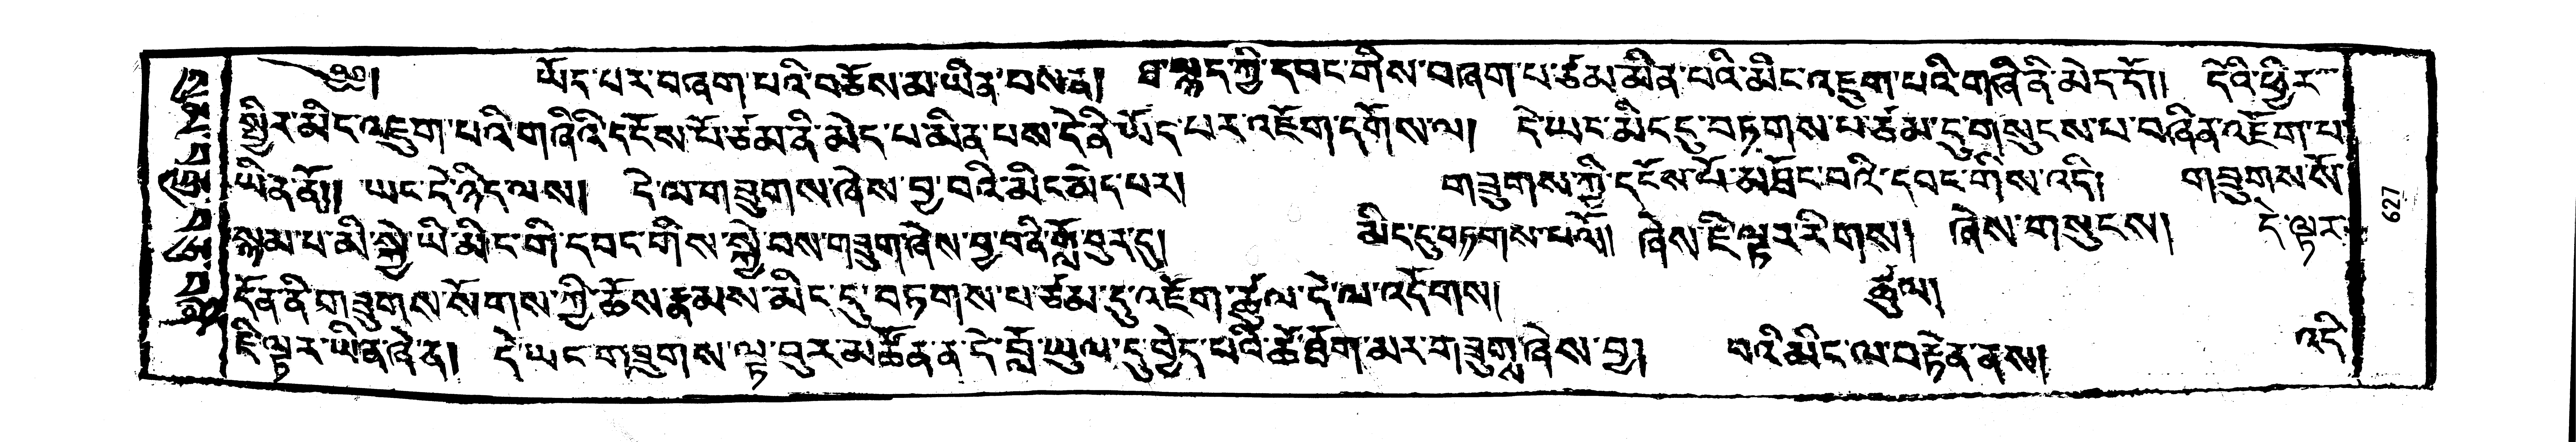༄༅། །ཡོད་པར་བཞག་པའི་བཅོས་མ་ཡིན་པས་ན། ཐ་སྙད་ཀྱི་དབང་གིས་བཞག་པ་ཙམ་མིན་པའི་མིང་འཇུག་པའི་གཞི་ནི་མེད་དོ། །དེའི་ཕྱིར་
སྤྱིར་མིང་འཇུག་པའི་གཞིའི་དངོས་པོ་ཙམ་ནི་མེད་པ་མིན་པས་དེ་ནི་ཡོད་པར་འཇོག་དགོས་ལ། དེ་ཡང་མིང་དུ་བཏགས་པ་ཙམ་དུ་གསུངས་པ་བཞིན་འཇོག་པ་
ཡིན་ནོ།། ཡང་དེ་ཉིད་ལས། དེ་ལ་གཟུགས་ཞེས་བྱ་བའི་མིང་མེད་པར། གཟུགས་ཀྱི་དངོས་པོ་མཐོང་བའི་དབང་གིས་འདི། གཟུགས་སོ་
སྙམ་པ་མི་སྐྱེ་ཡི་མིང་གི་དབང་གིས་སྐྱེ་བས་གཟུགས་ཞེས་བྱ་བ་ནི་གློ་བུར་དུ། མིང་དུ་བཏགས་པའོ།། ཞེས་ཇི་ལྟར་རིགས། ཞེས་གསུངས། དེ་ལྟར་
དོན་ནི་གཟུགས་སོགས་ཀྱི་ཆོས་རྣམས་མིང་དུ་བཏགས་པ་ཙམ་དུ་འཇོག་ཚུལ་དེ་ལ་འདོགས། ཚུལ།
ཇི་ལྟར་ཡིན་ཞེ་ན། དེ་ཡང་གཟུགས་ལྟ་བུར་མཚོན་ན་དེ་བློ་ཡུལ་དུ་བྱེད་པའི་ཚེ་ཐོག་མར་གཟུགས་ཞེས་བྱ། བའི་མིང་ལ་བརྟེན་ནས། འདི་